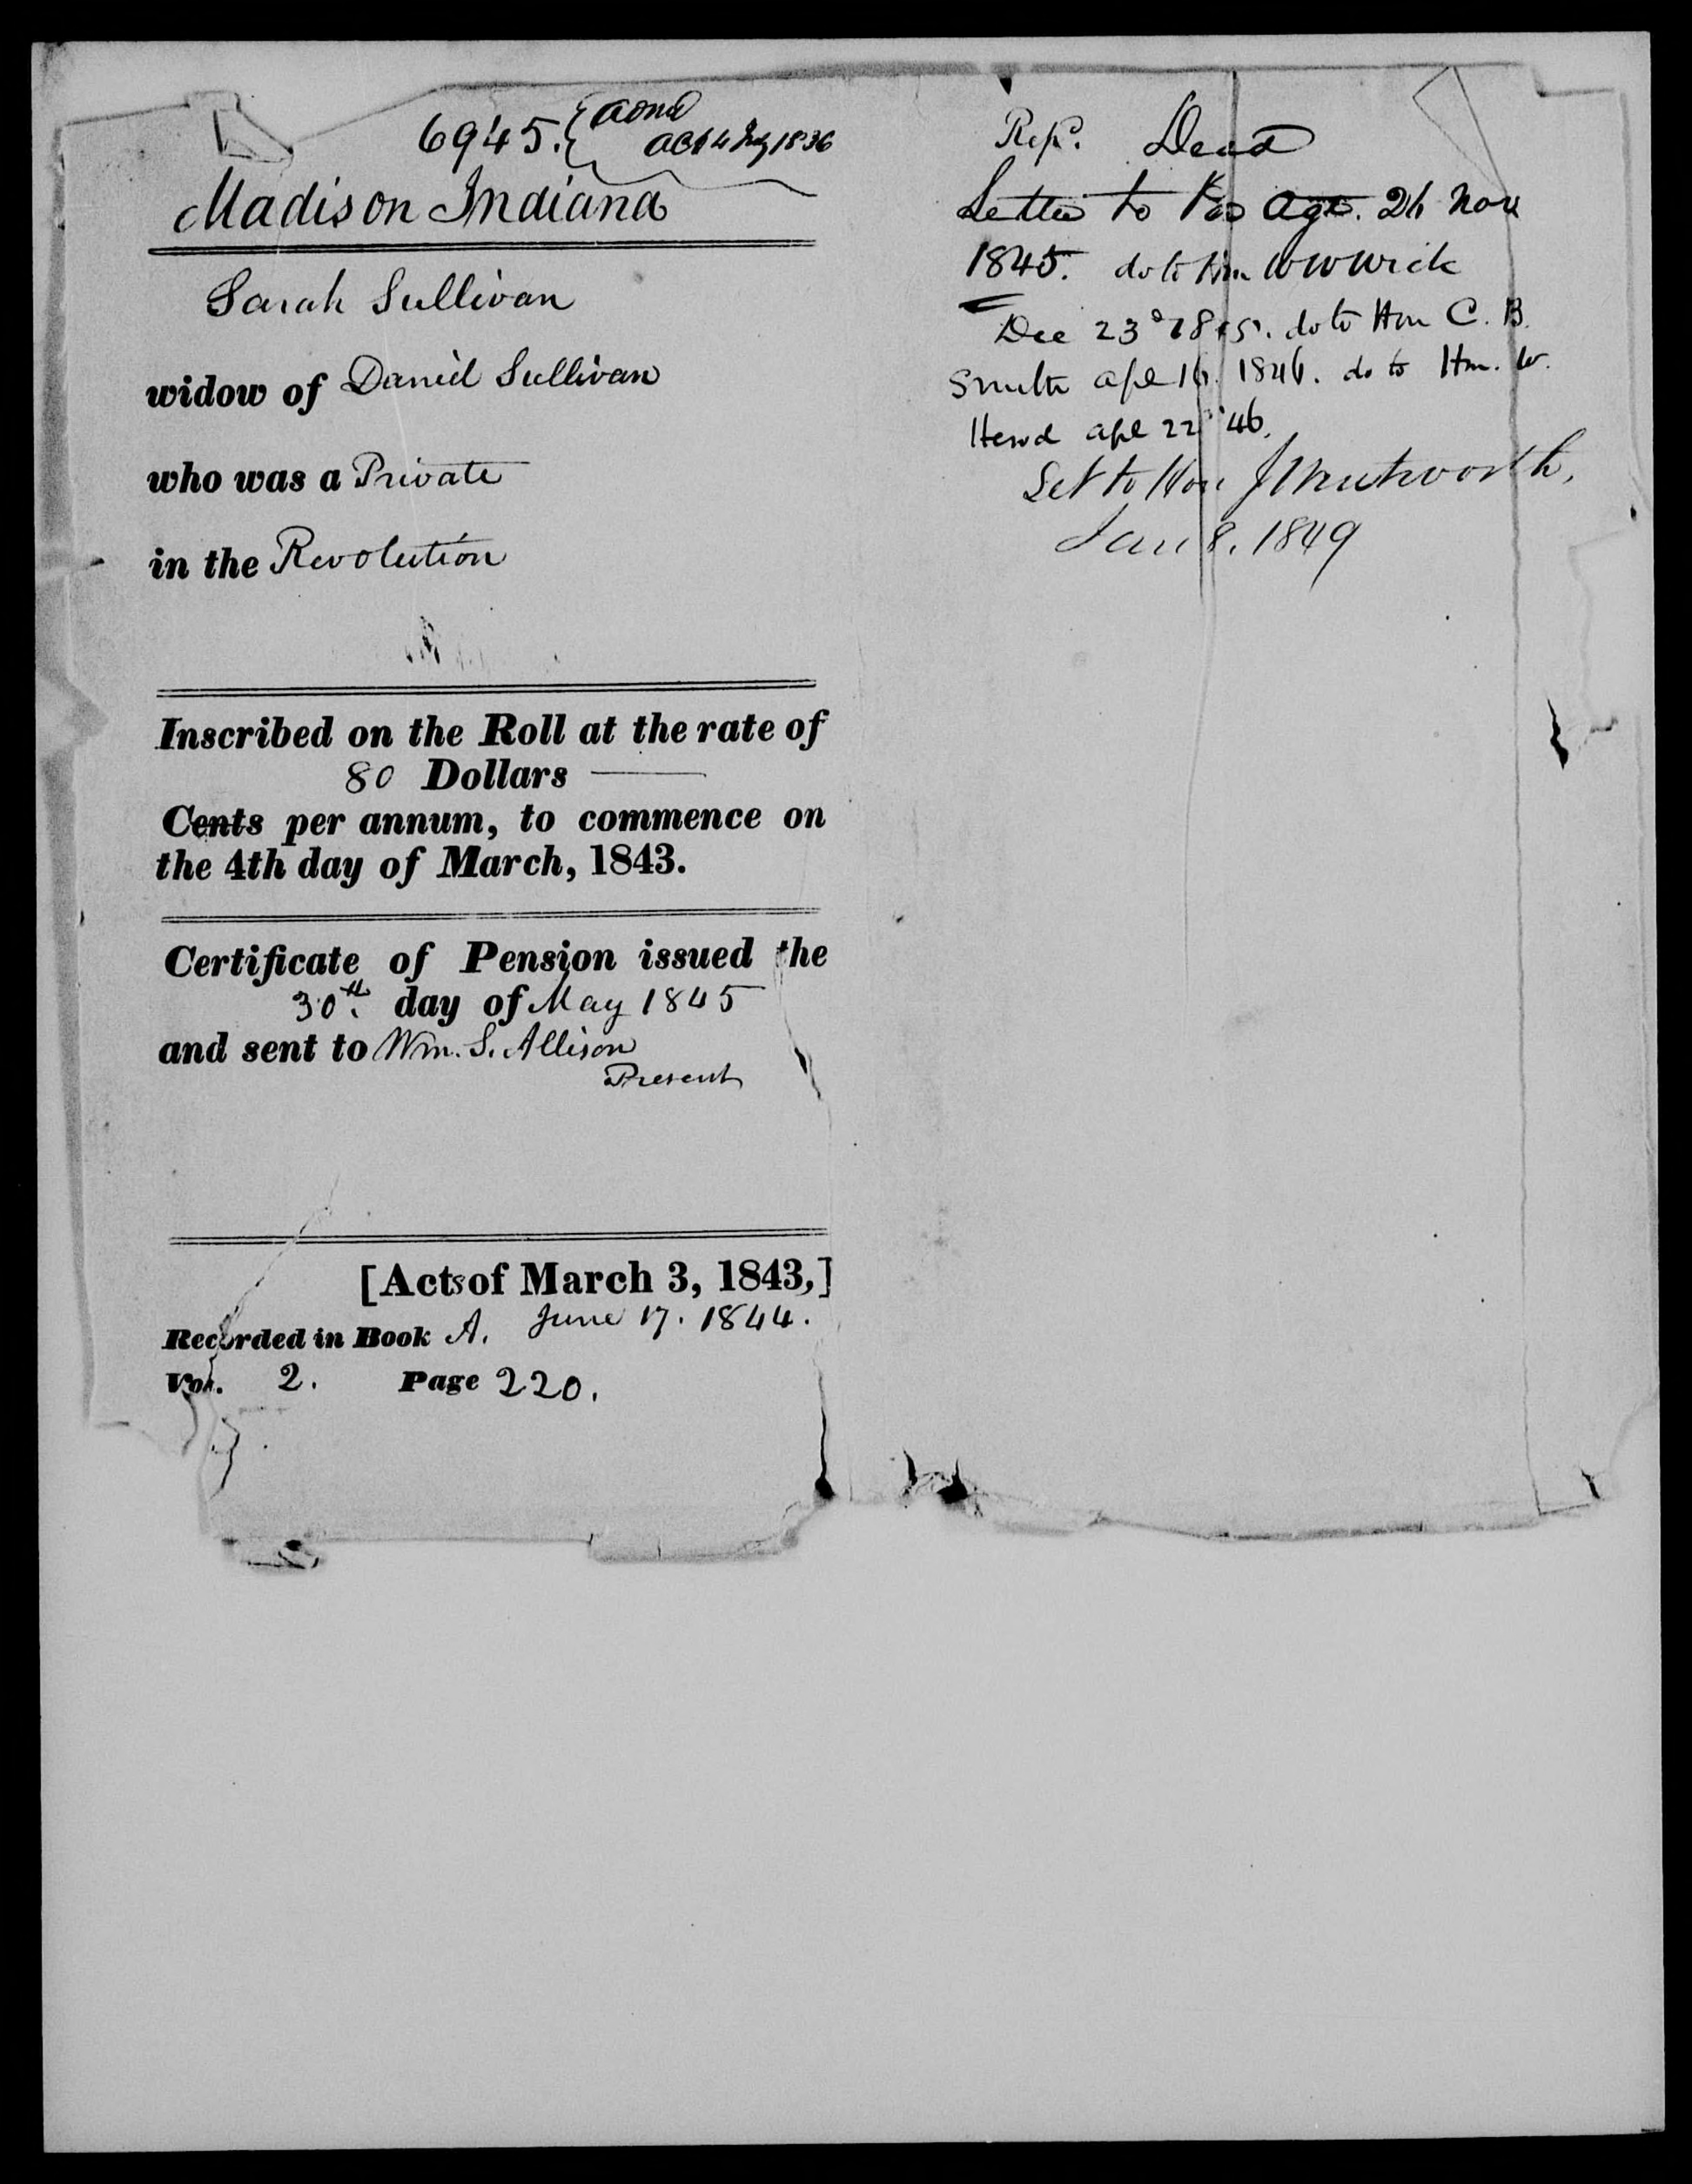[printed form, blanks filled by hand]

6945. { Aond ACT 4 july 1836

Madison Indiana
==================
Sarah Sullivan widow of Daniel Sullivan who was a Private in the Revolution
==================
Inscribed on the Roll at the rate of 80 Dollars per annum, to commence on the 4th day of March, 1843.
==================
Certificate of Pension issued the 30th day of May 1845 and sent to Wm. S. Allison
Present
==================
[ Acts of March 3, 1843, June 17, 1844. ]
Recorded in Book A. Vol. 2. Page 220.

[notes]
Rep'd Dead 
Letter to Pen. Agt. 26 Nov 1845.
Letter to Hon W W Wick Dec 23d 1845 
Letter to Hon C. B. Smith Apl 16, 1846.
Letter to Hon. W. Hewd Apl 22d '46.
Let to Hon J Whitworth, Jan 8, 1849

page: 36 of 78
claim: widow's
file: W. 25,169, for Daniel Sullivan, Maryland